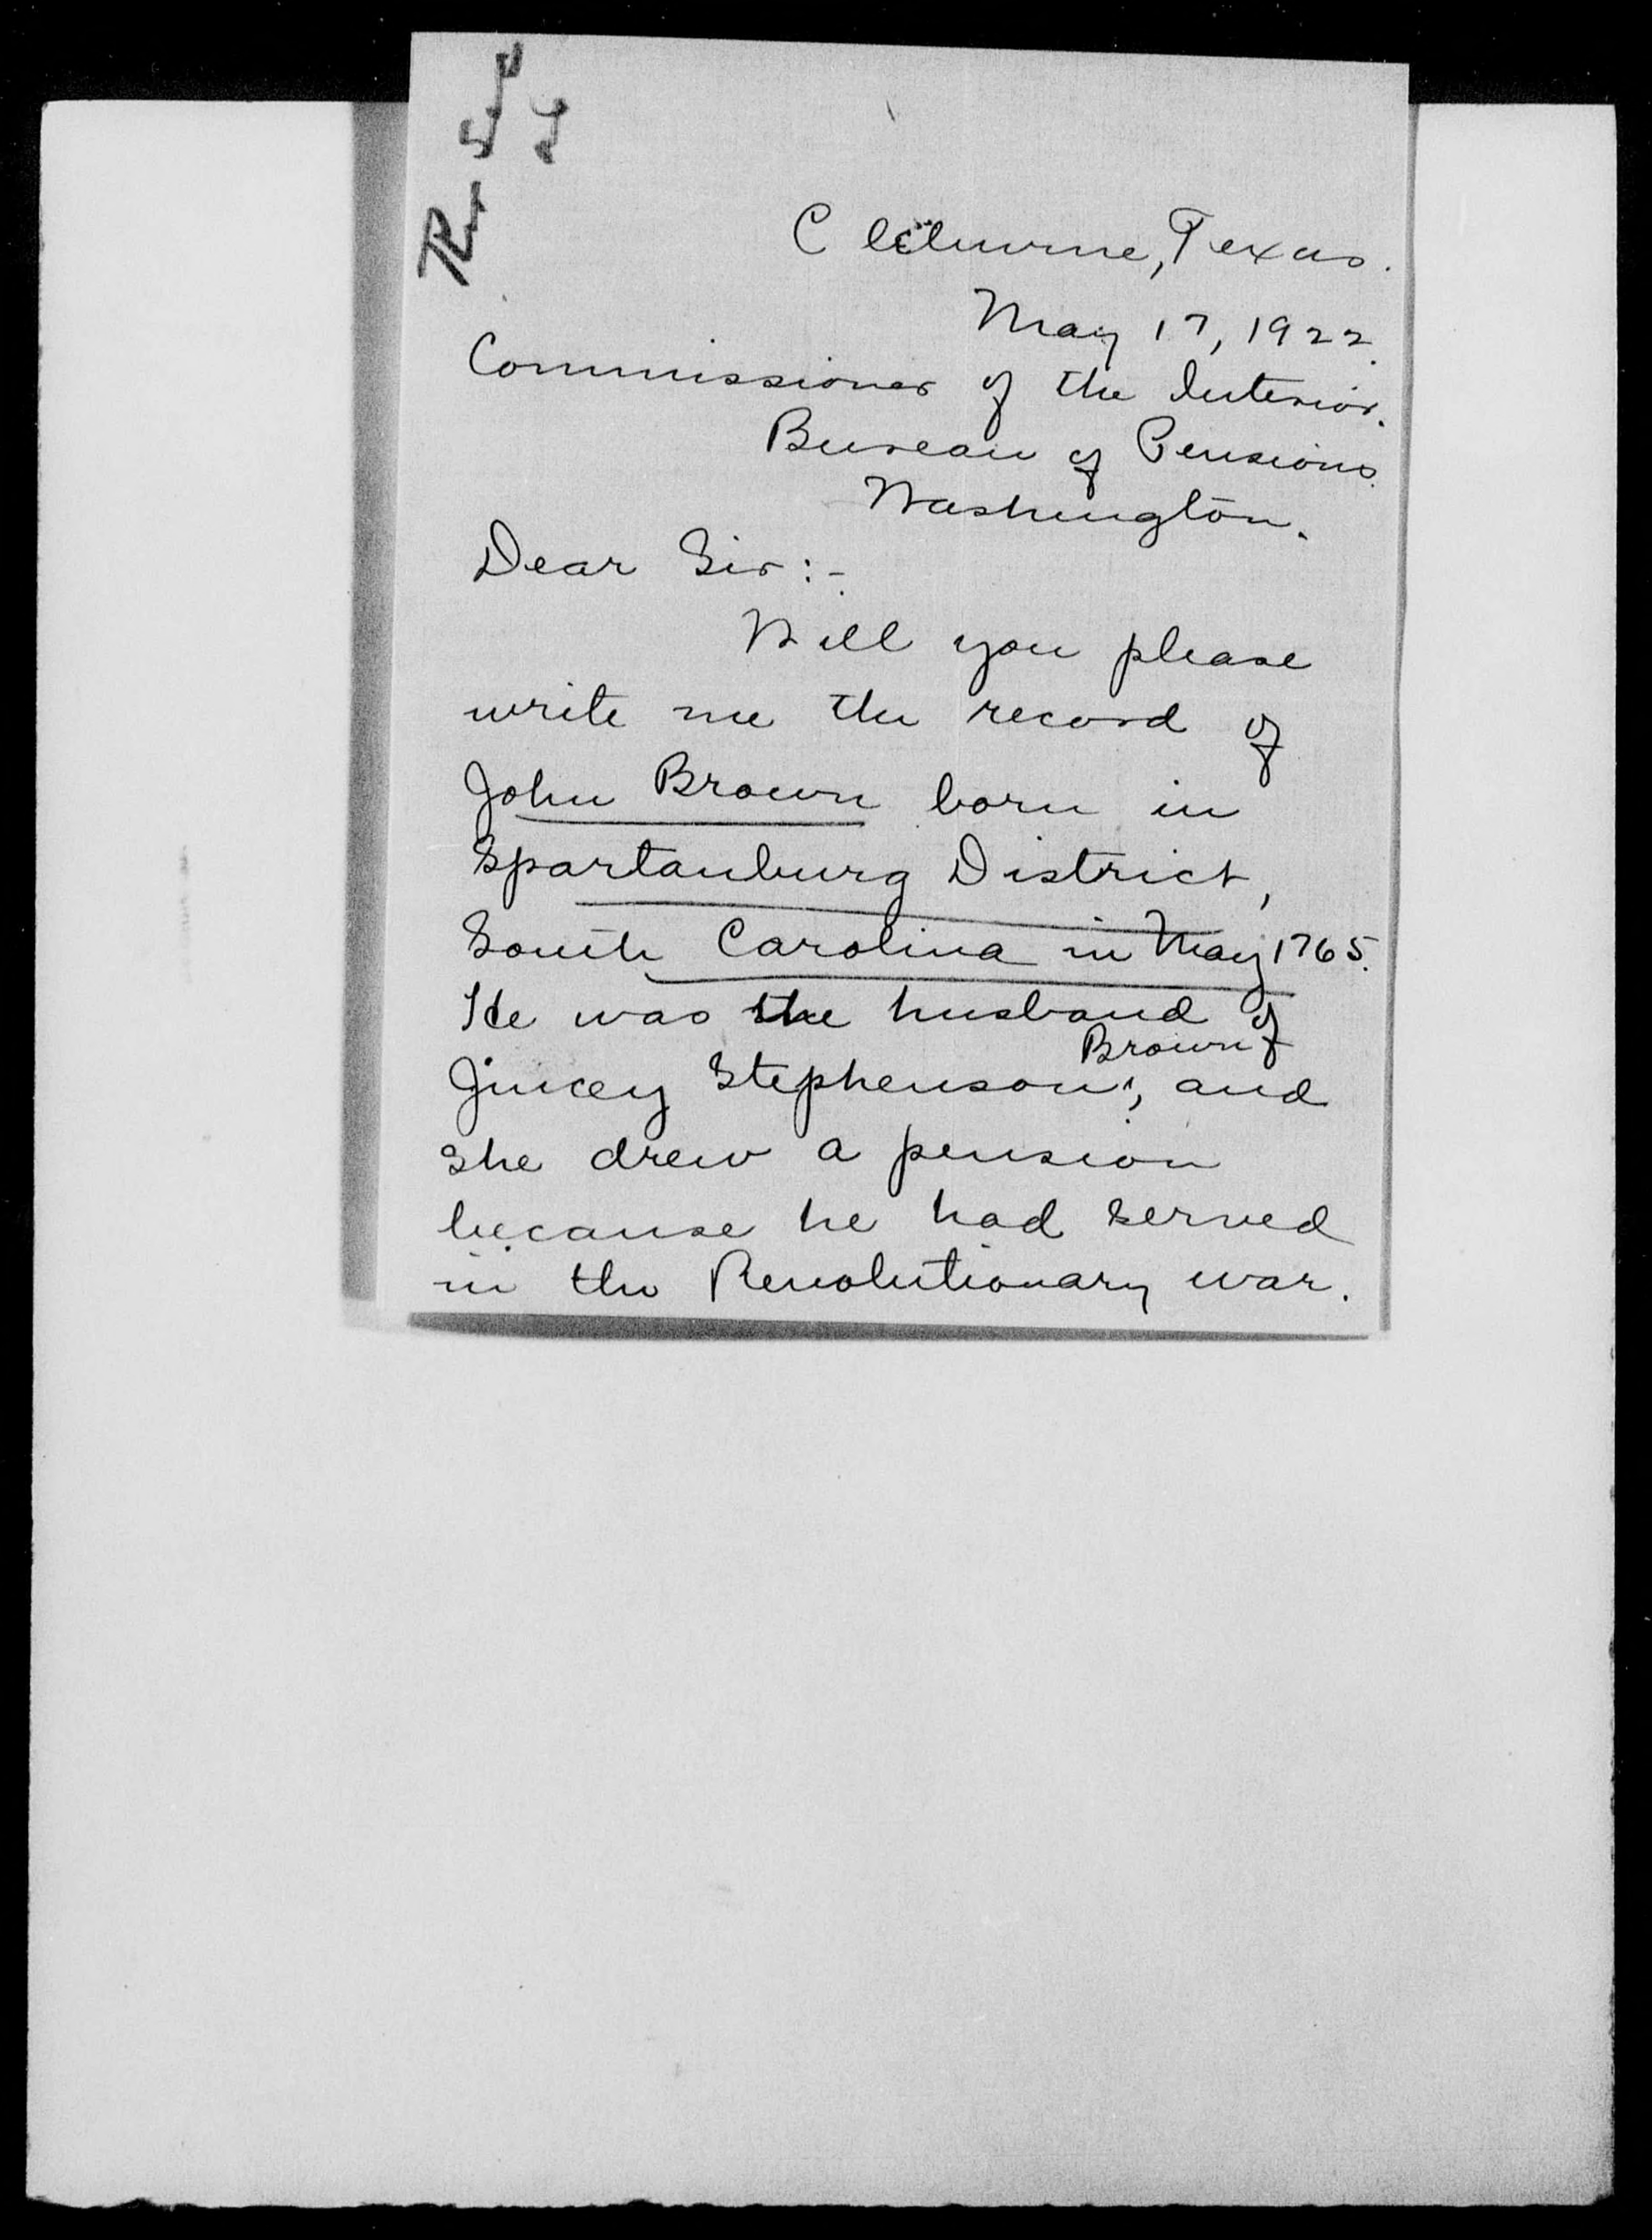Cleburne, Texas
May 17, 1922
Commissioner of the Interior
Bureau of Pensions Washington
Dear Sir
Will you please
write me the record of
John Brown born in
Spartanburg District
South Carolina in May 1765.
He was the husband of
Jincey Stephenson Brown, and
she drew a pension
because he had served
in the Revolutionary war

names: John Brown, Jincey Stephenson Brown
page: 44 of 85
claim: widow's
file: W. 5,906, John Brown, S.C.